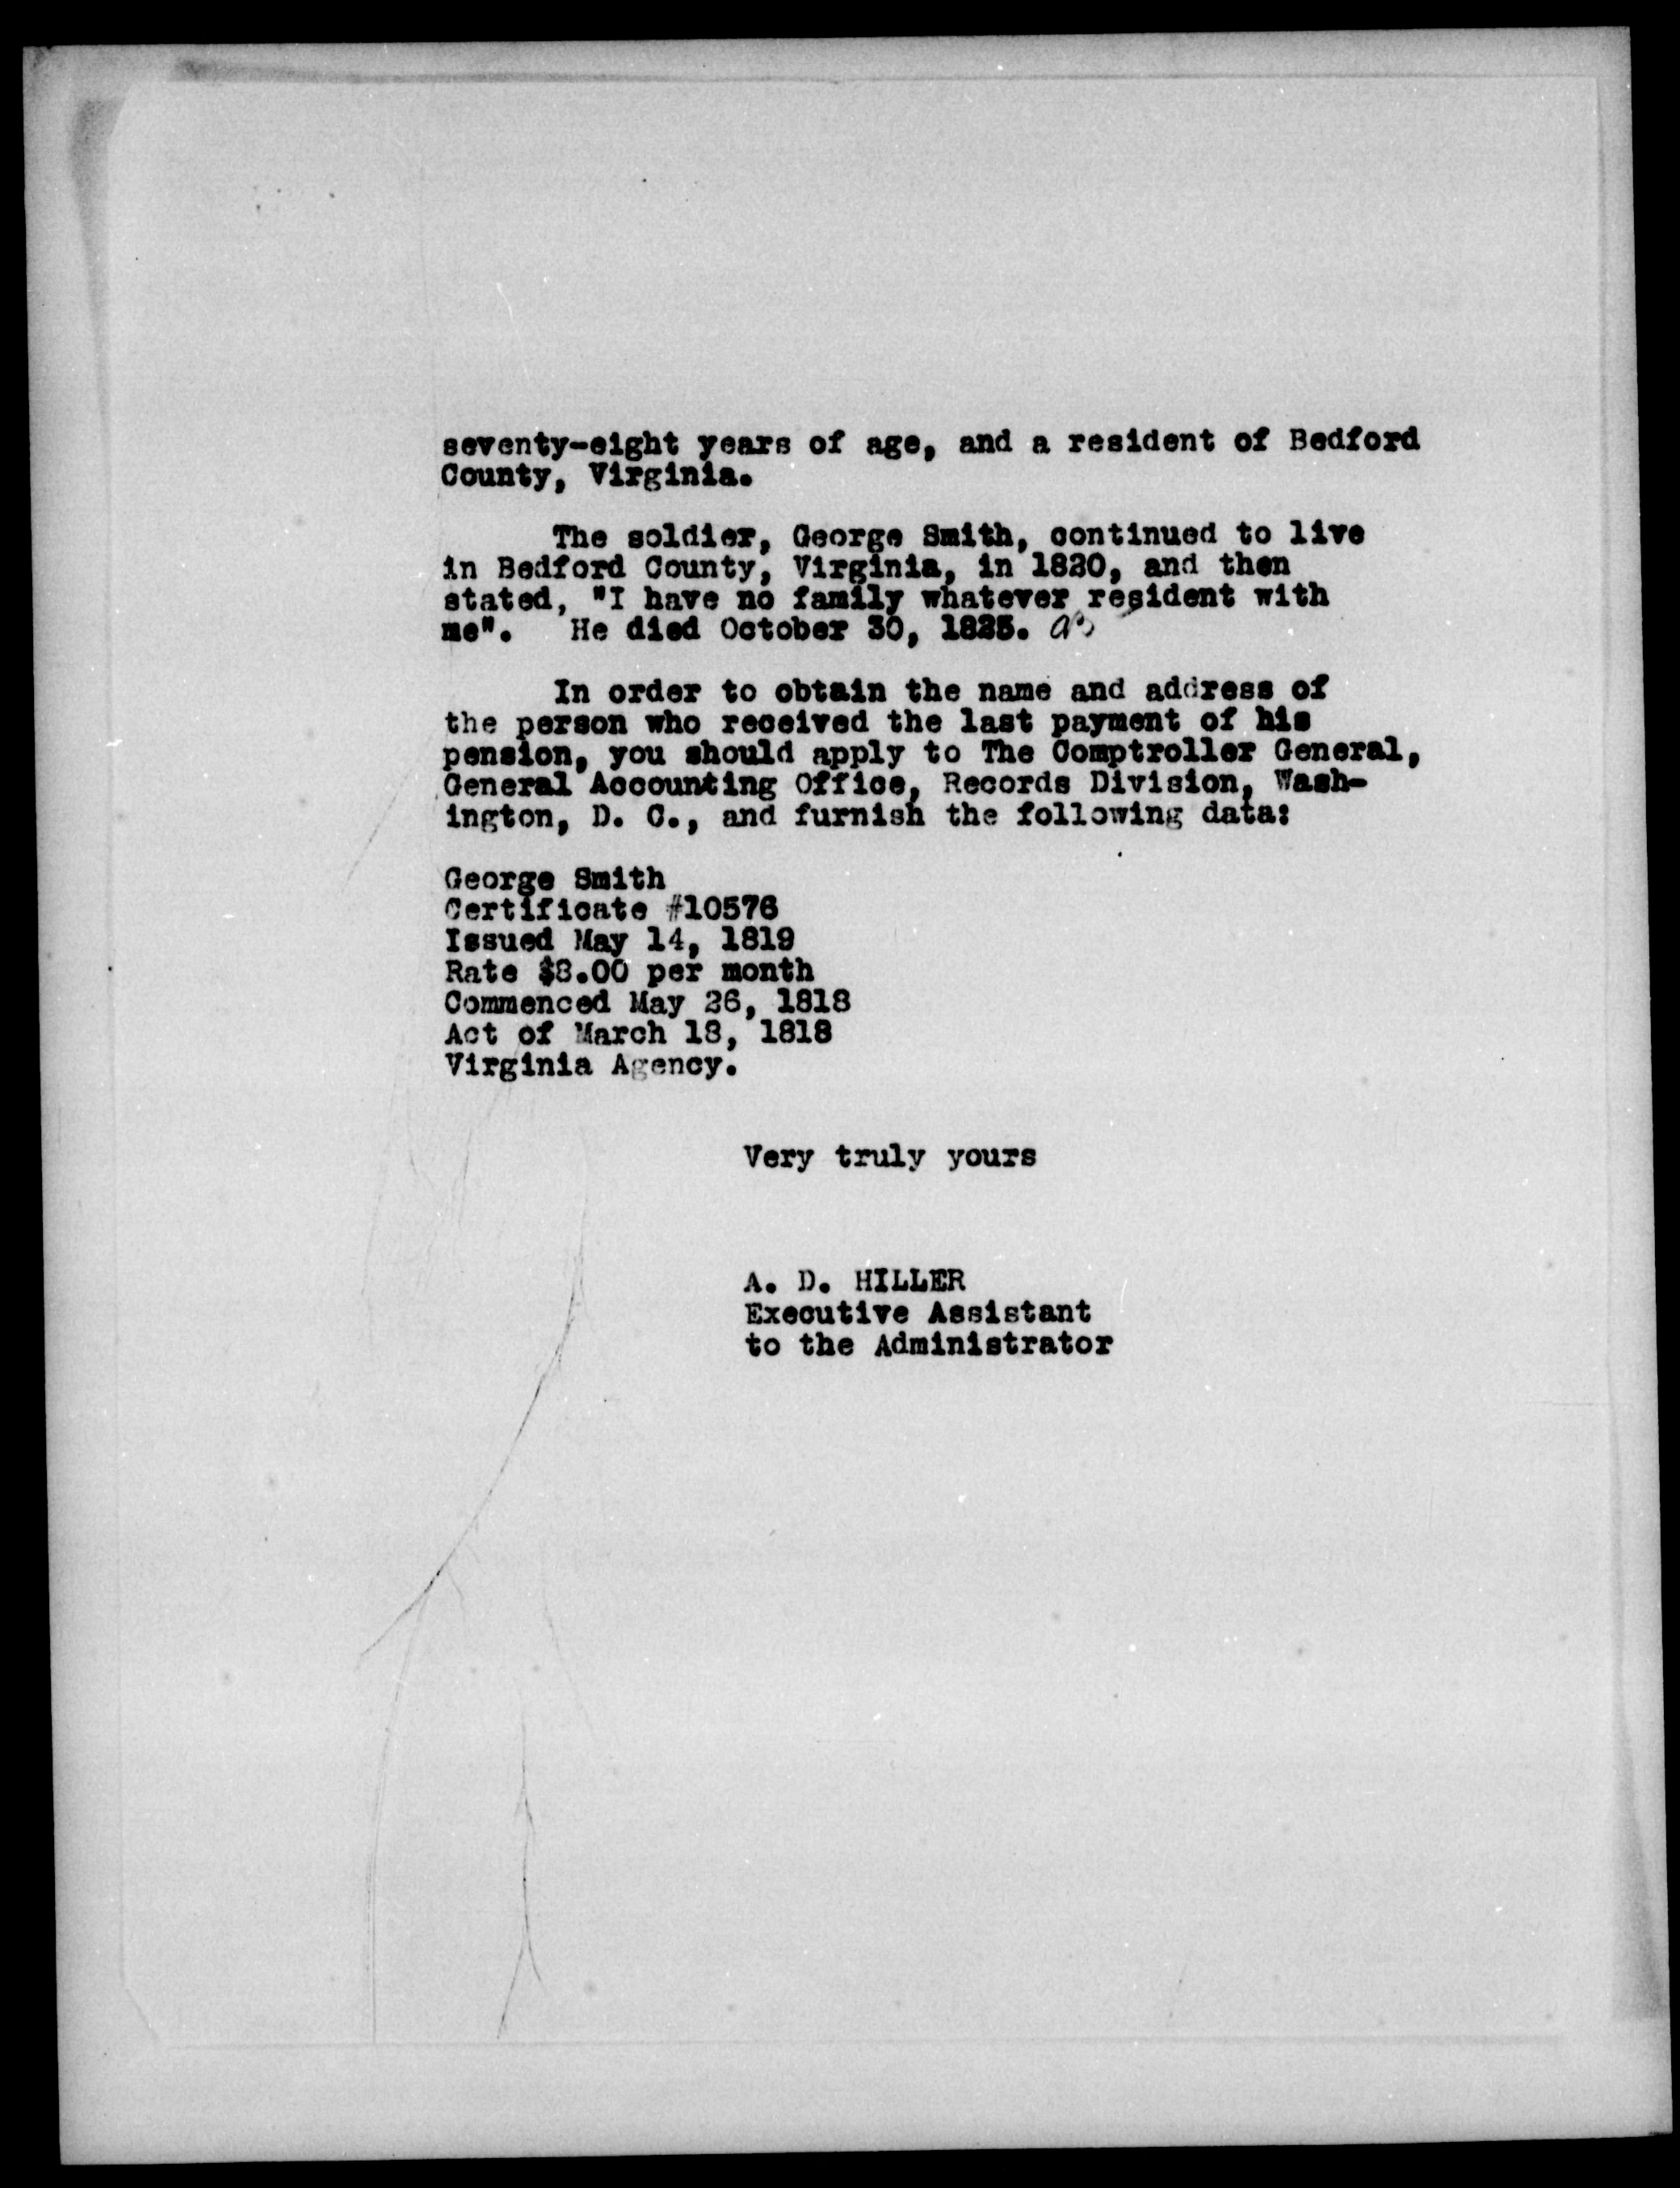seventy-eight years of age, and a resident of Bedford County, Virginia.
The soldier, George Smith, continued to live in Bedford County, Virginia, in 1820, and then stated, "I have no family whatever resident with me".  He died October 30, 1825. {93 written in}
In order to obtain the name and address of the person who received the last payment of his pension, you should apply to the Comptroller General, General Accounting Office, Records Division, Washington, D. C., and furnish the following data:
George Smith
Certificate # 10576
Issued May 14, 1819
Rate $8.00 per month
Commenced May 26, 1818
Act of March 18, 1818
Virginia Agency.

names: George Smith; A D Hiller; George Smith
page: 11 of 16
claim: survivor's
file: S. 38,386, for George Smith, Virginia